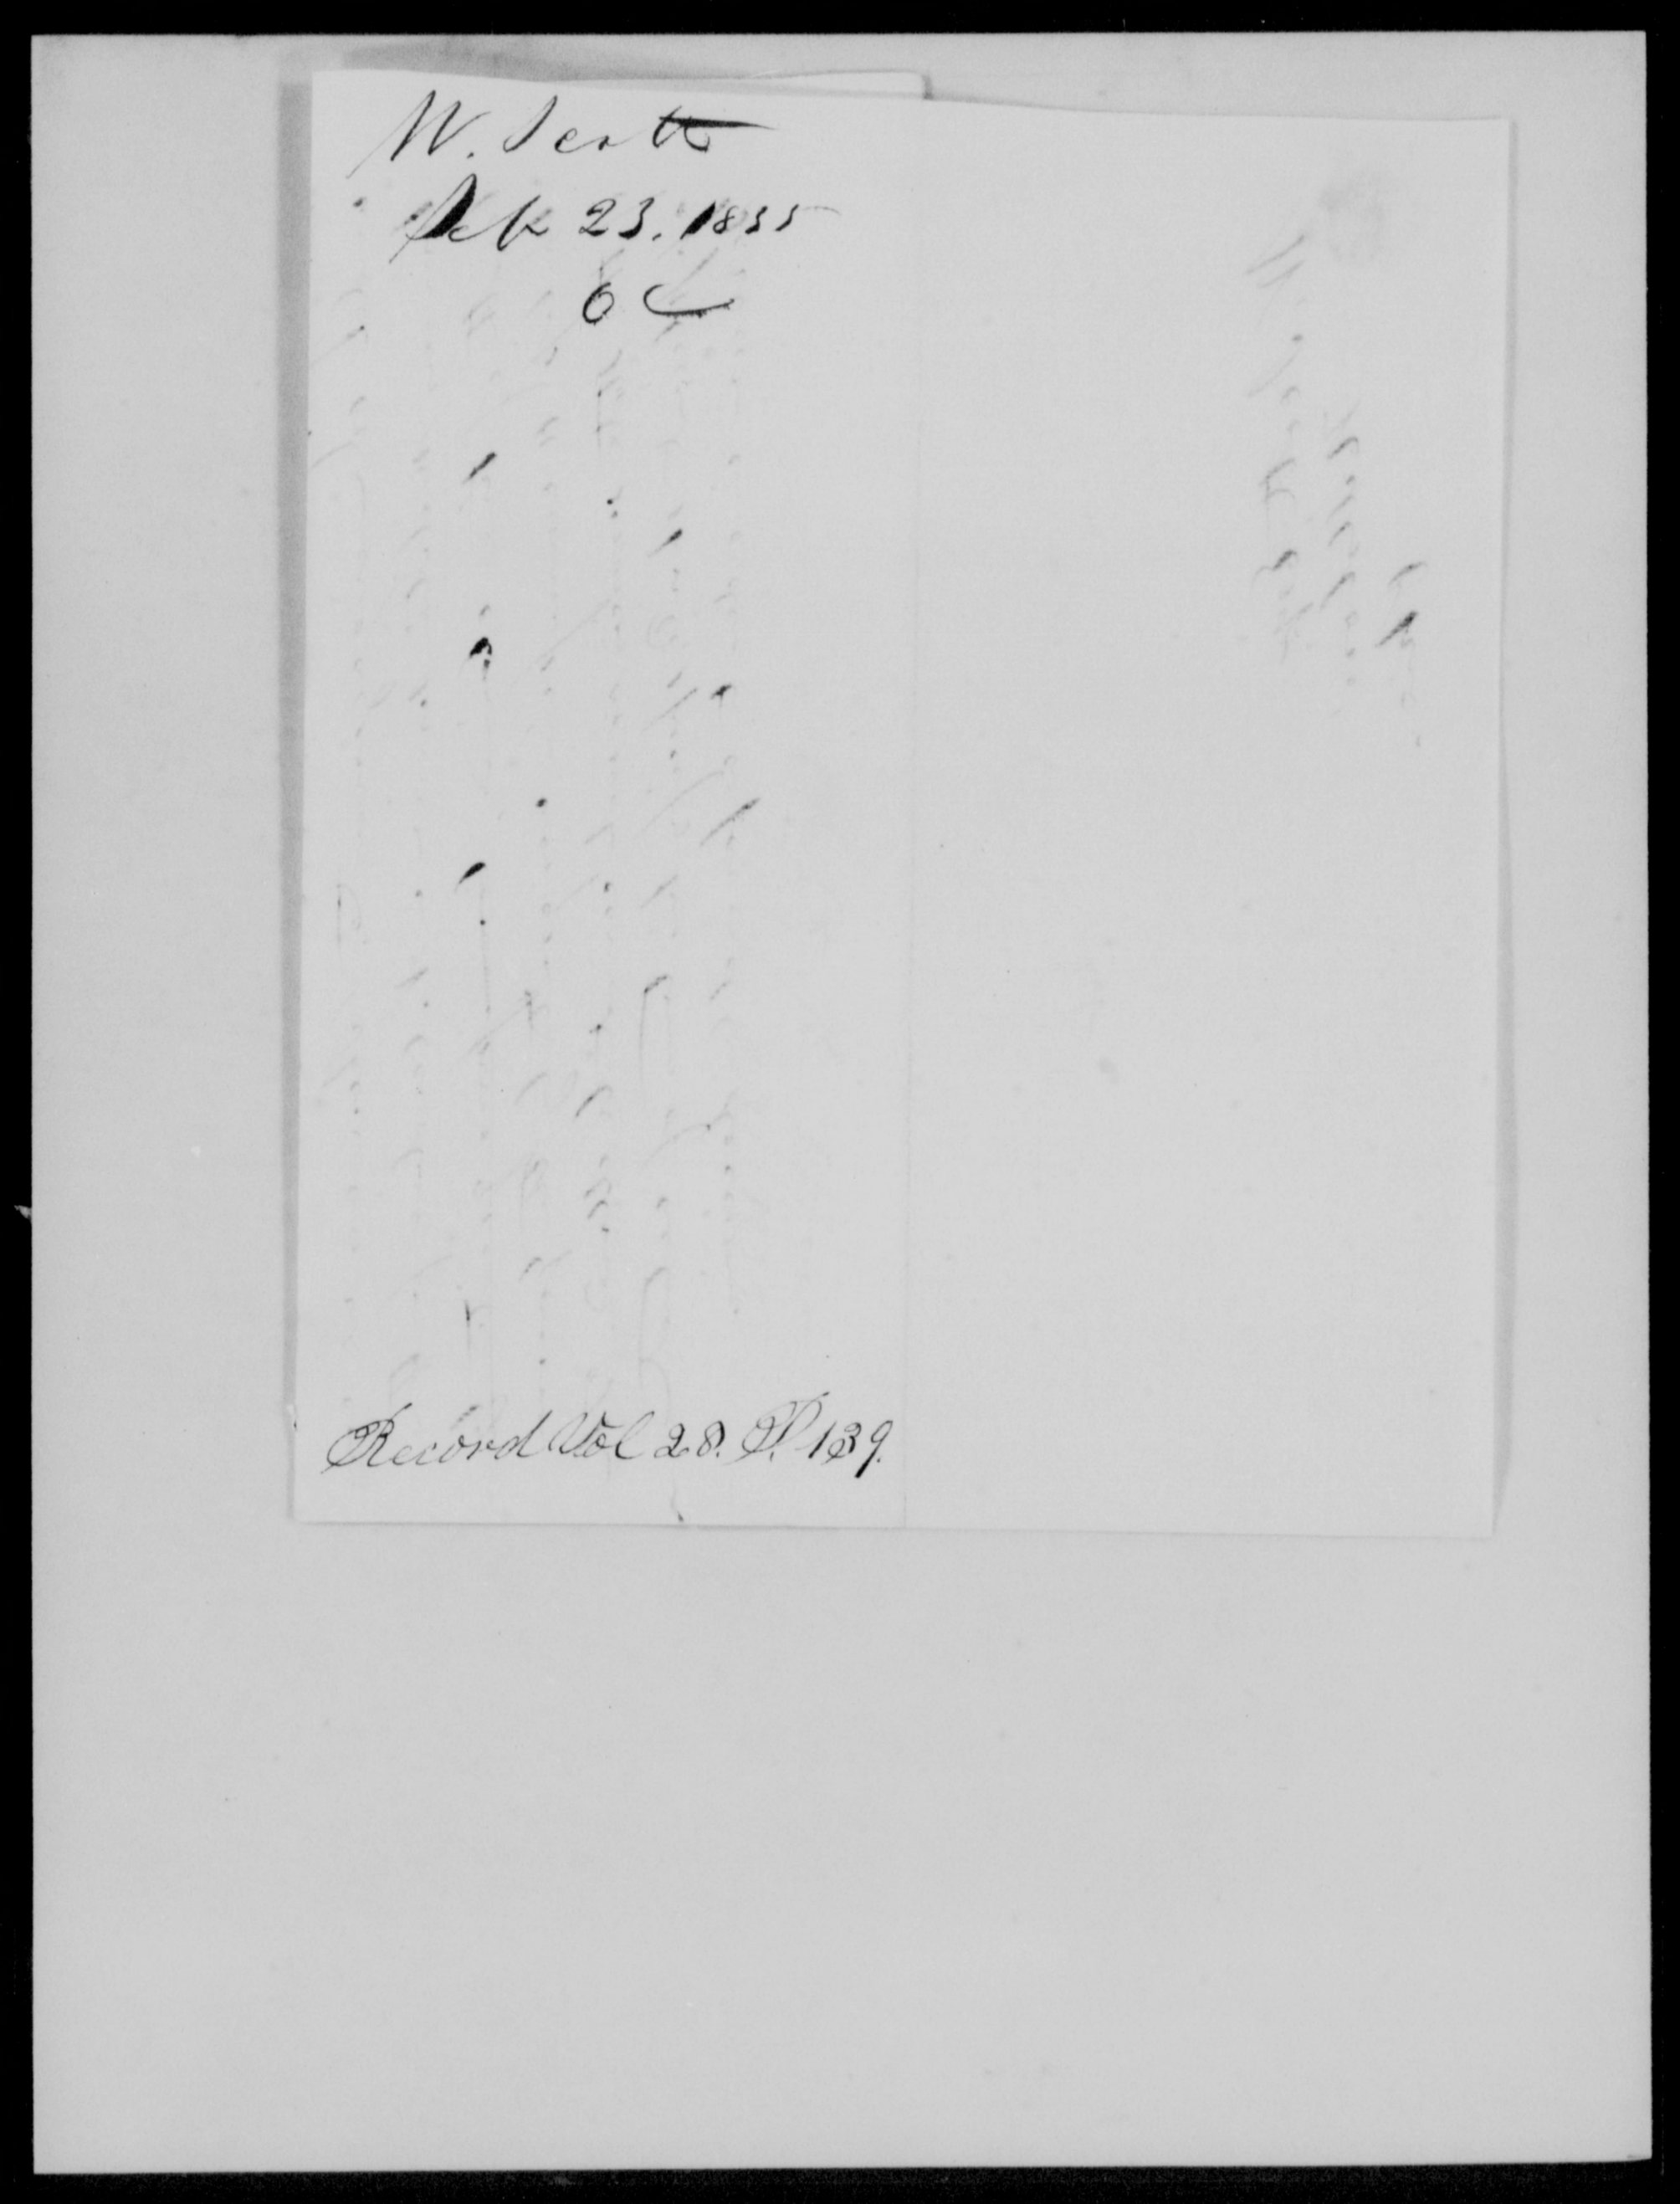W. Scott 
December 23, 1855
Recorded Vol. 28, Page 139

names: W Scott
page: 29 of 37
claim: rejected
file: R. 11047, David Walker, N.C.